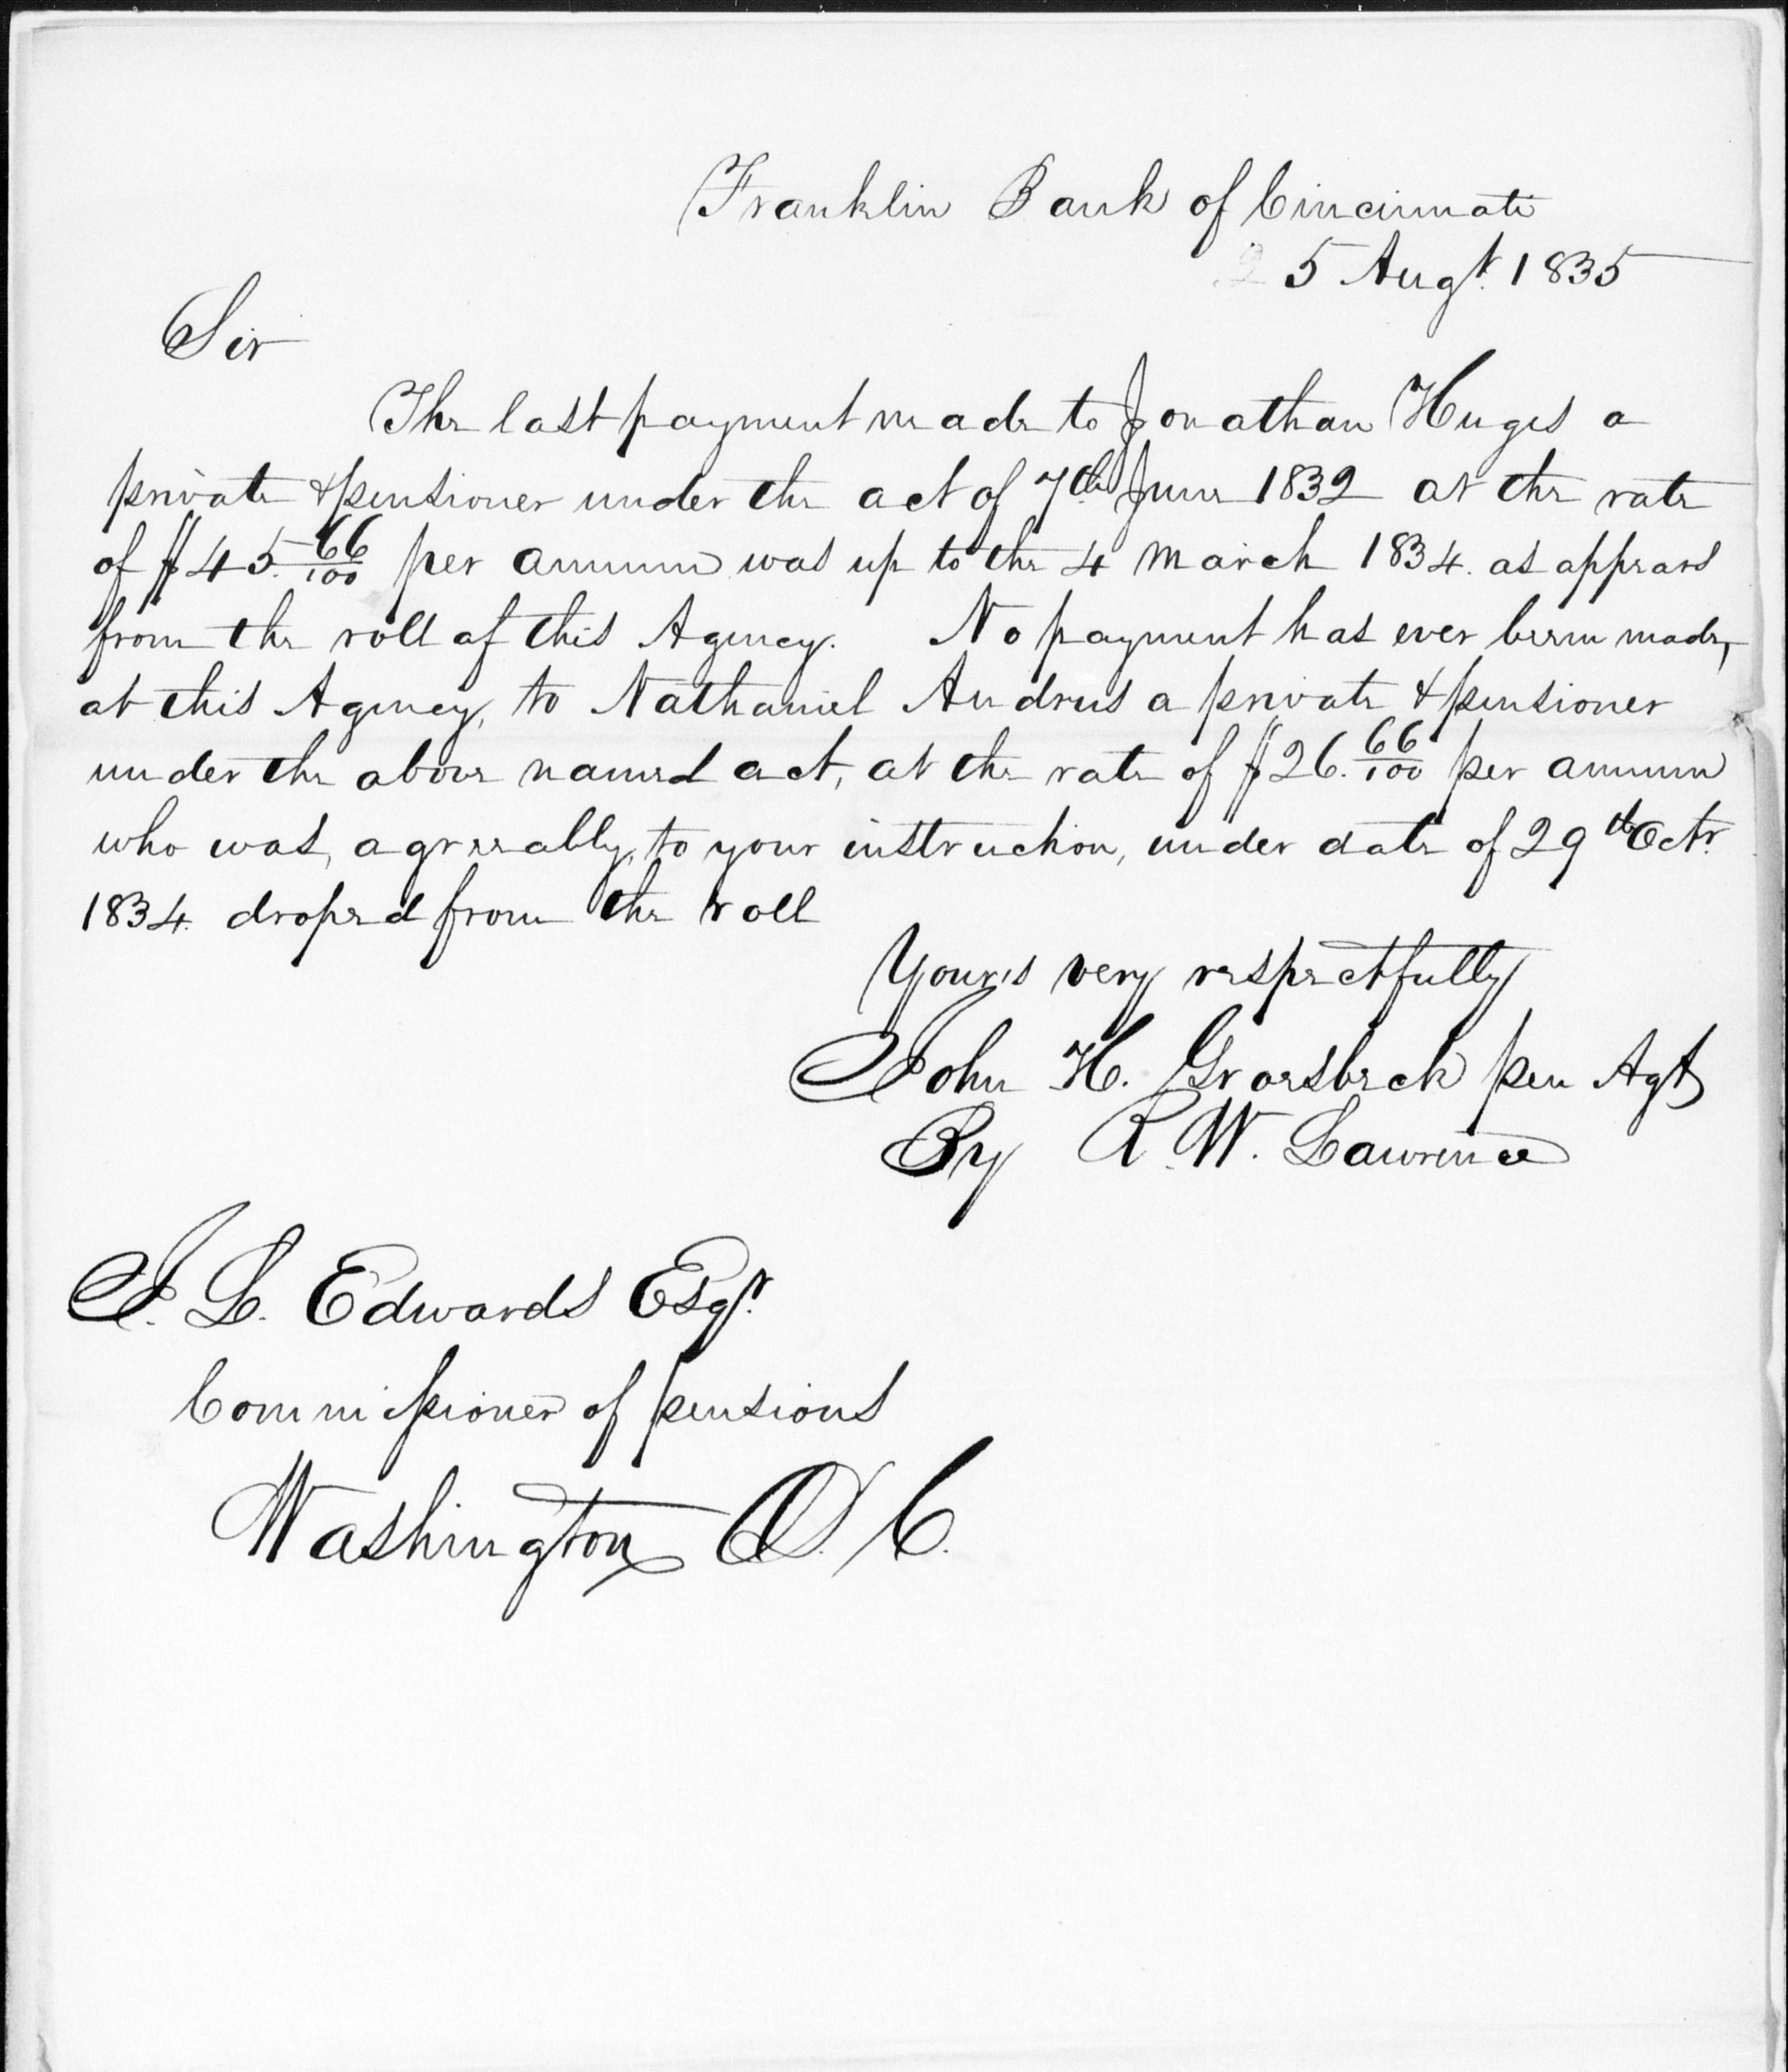Franklin Bank of Cincinnati
5 Augt 1835
Sir
The last payment made to Jonathan Huges a
private & pensioner under the act of 7th June 1832 at the rate
of $45 .66/100 per annum was up to the 4 March 1834. as appears
from the roll of this Agency. No payment has ever been made
at this Agency to Nathaniel Andrews a private & pensioner
under the above named act, at the rate of $26. 66/100 per annum
who was agruably to your instruction, under date of 29th Octr
1834 droped from the roll
Yours very respectfully
John H. Groesbeck pen Agt
By R W. Lawrence
J. L. Edwards Esqr
Commissioner of Pensions
Washington D.C.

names: John H Groesbeck, Jonathan Huges, Nathaniel Andrus, J L Edwards, R W Lawrence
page: 49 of 78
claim: widow's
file: W. 4117, Nathaniel Bradley, Conn.